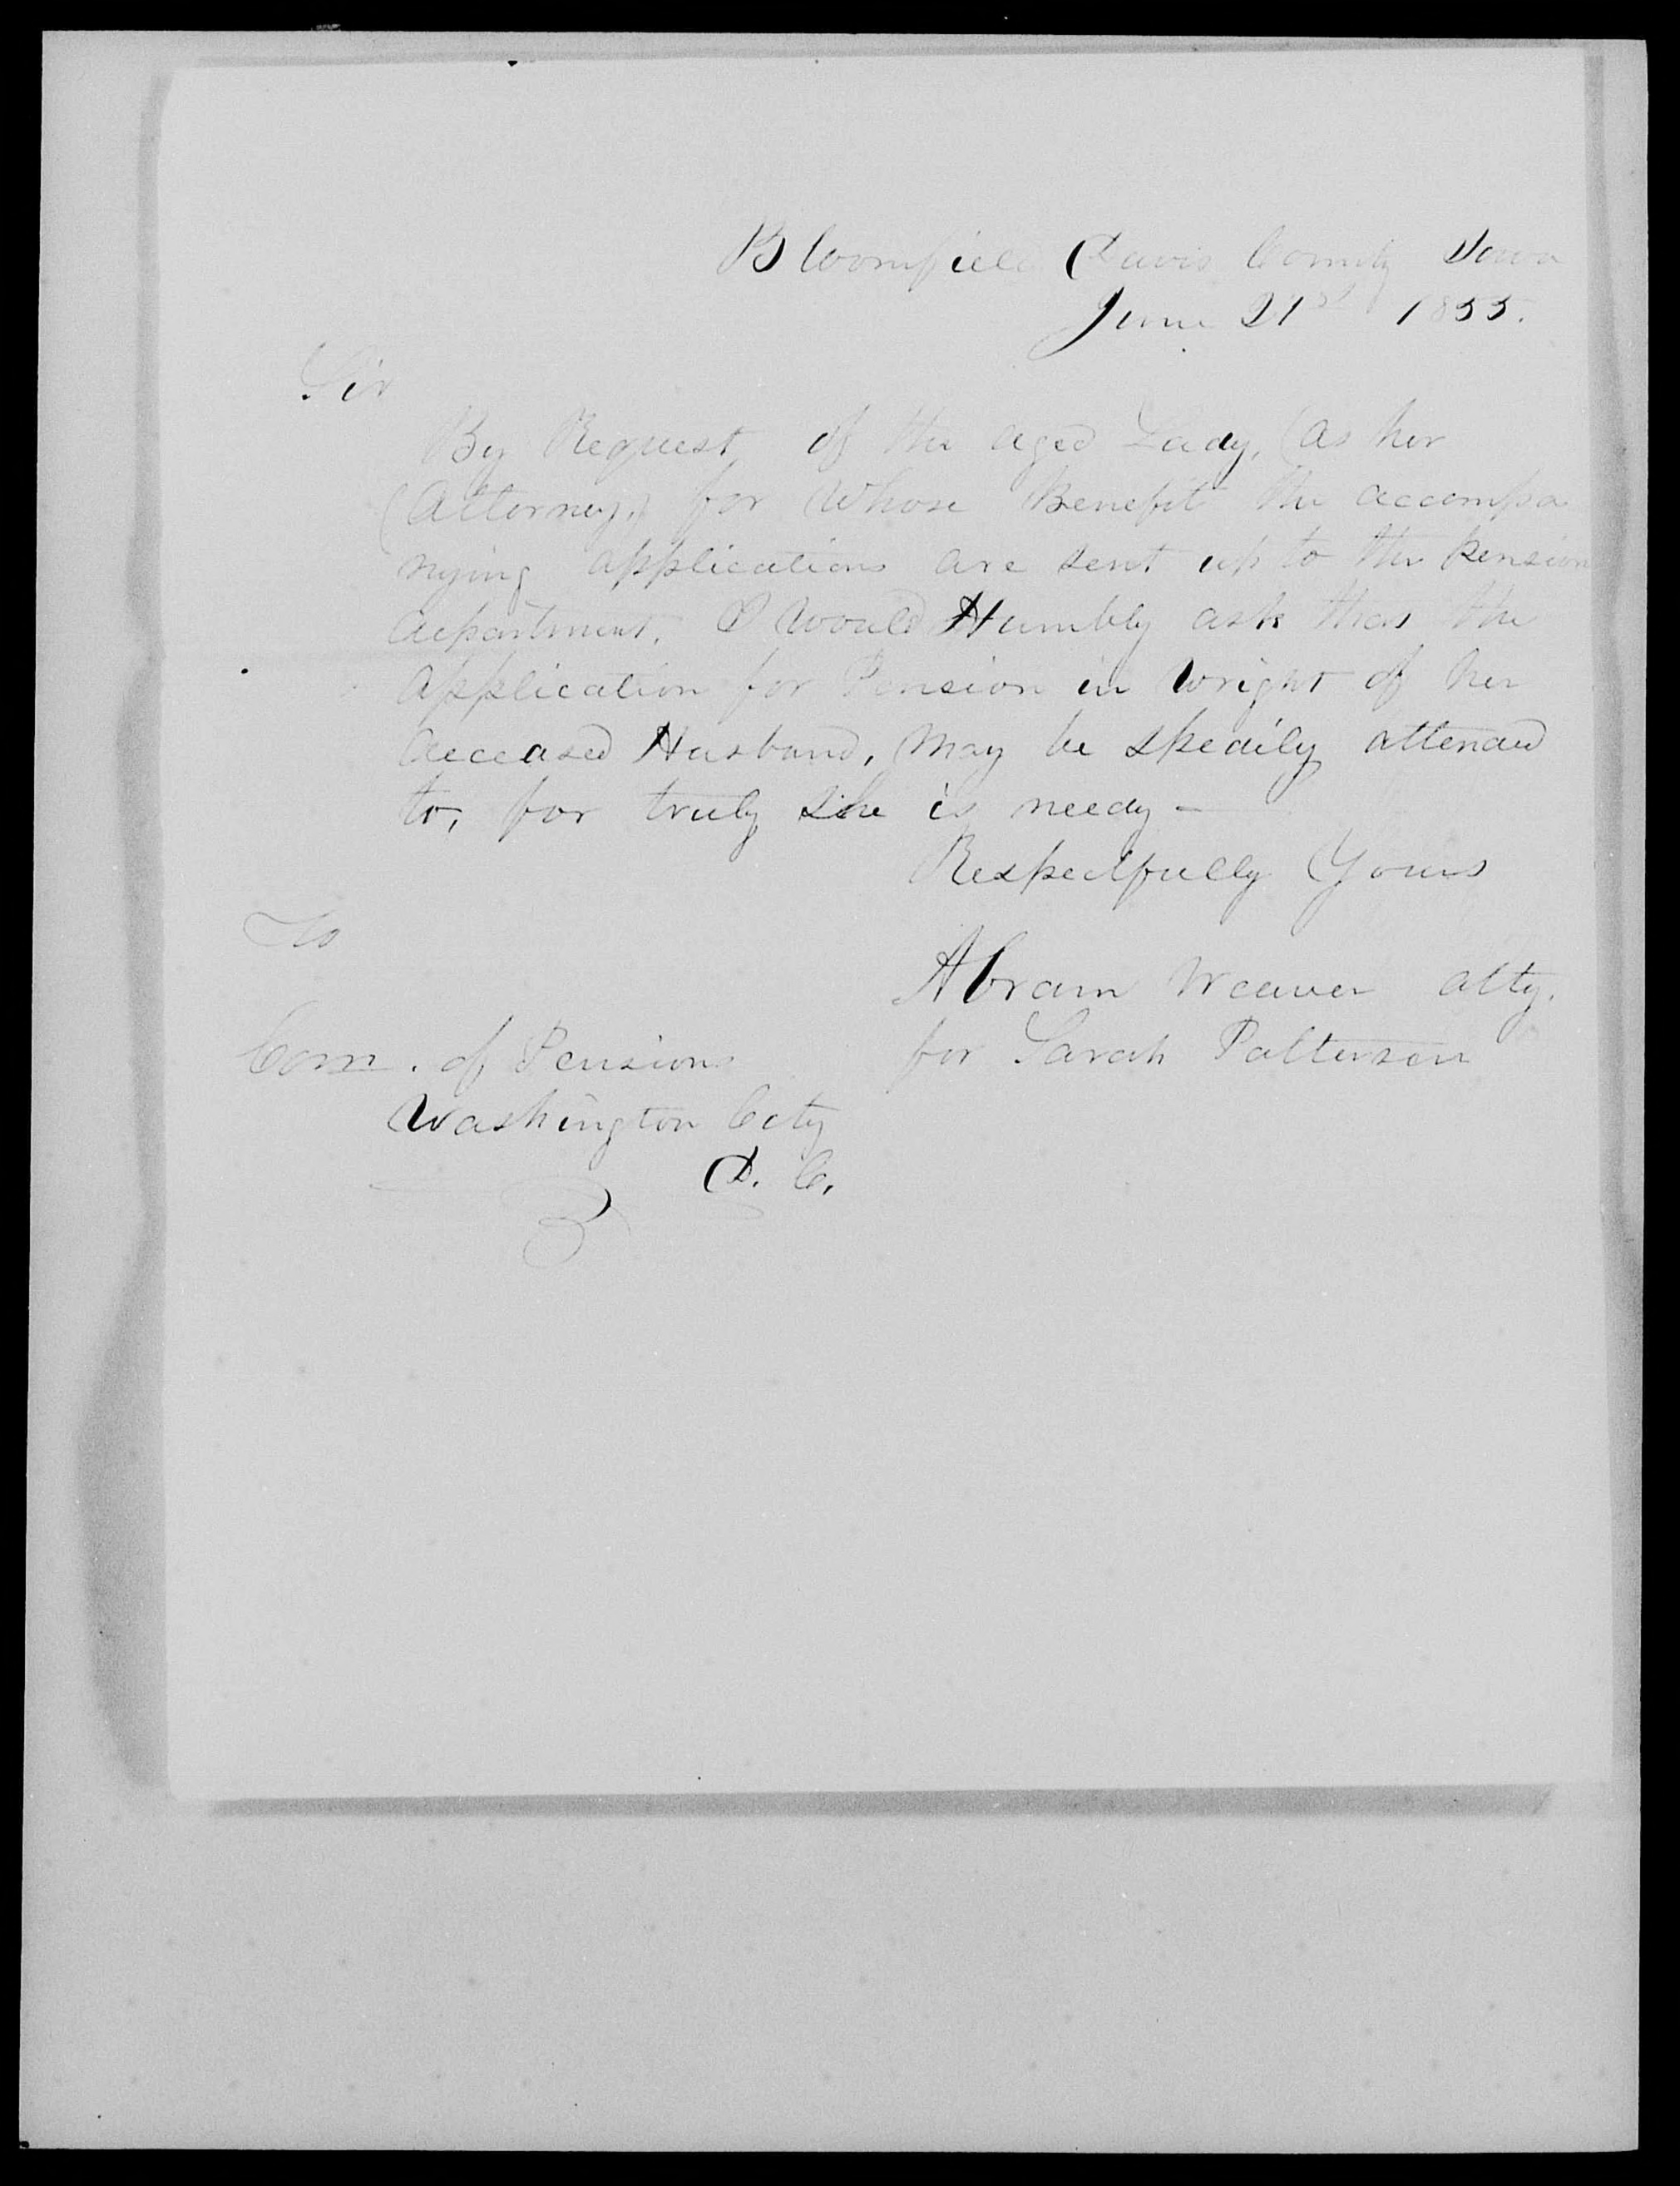Bloomfield Davis County Iowa
June 21st 1853.
Sir
By Request of the aged Lady, (as her Attorney), for whose benefit the accompanying applications are sent up to the pension department, I would humbly ask that the application for Pension in wright of her deceased Husband, may be spedily attended to, for truly she is needy –
Respectfully Yours 
Abram Weaver atty.
for Sarah Patterson 
To
Com. of Pensions 
Washington City 
D.C.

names: Abram Weaver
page: 33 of 69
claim: widow's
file: W. 10861, for James Patterson, North Carolina